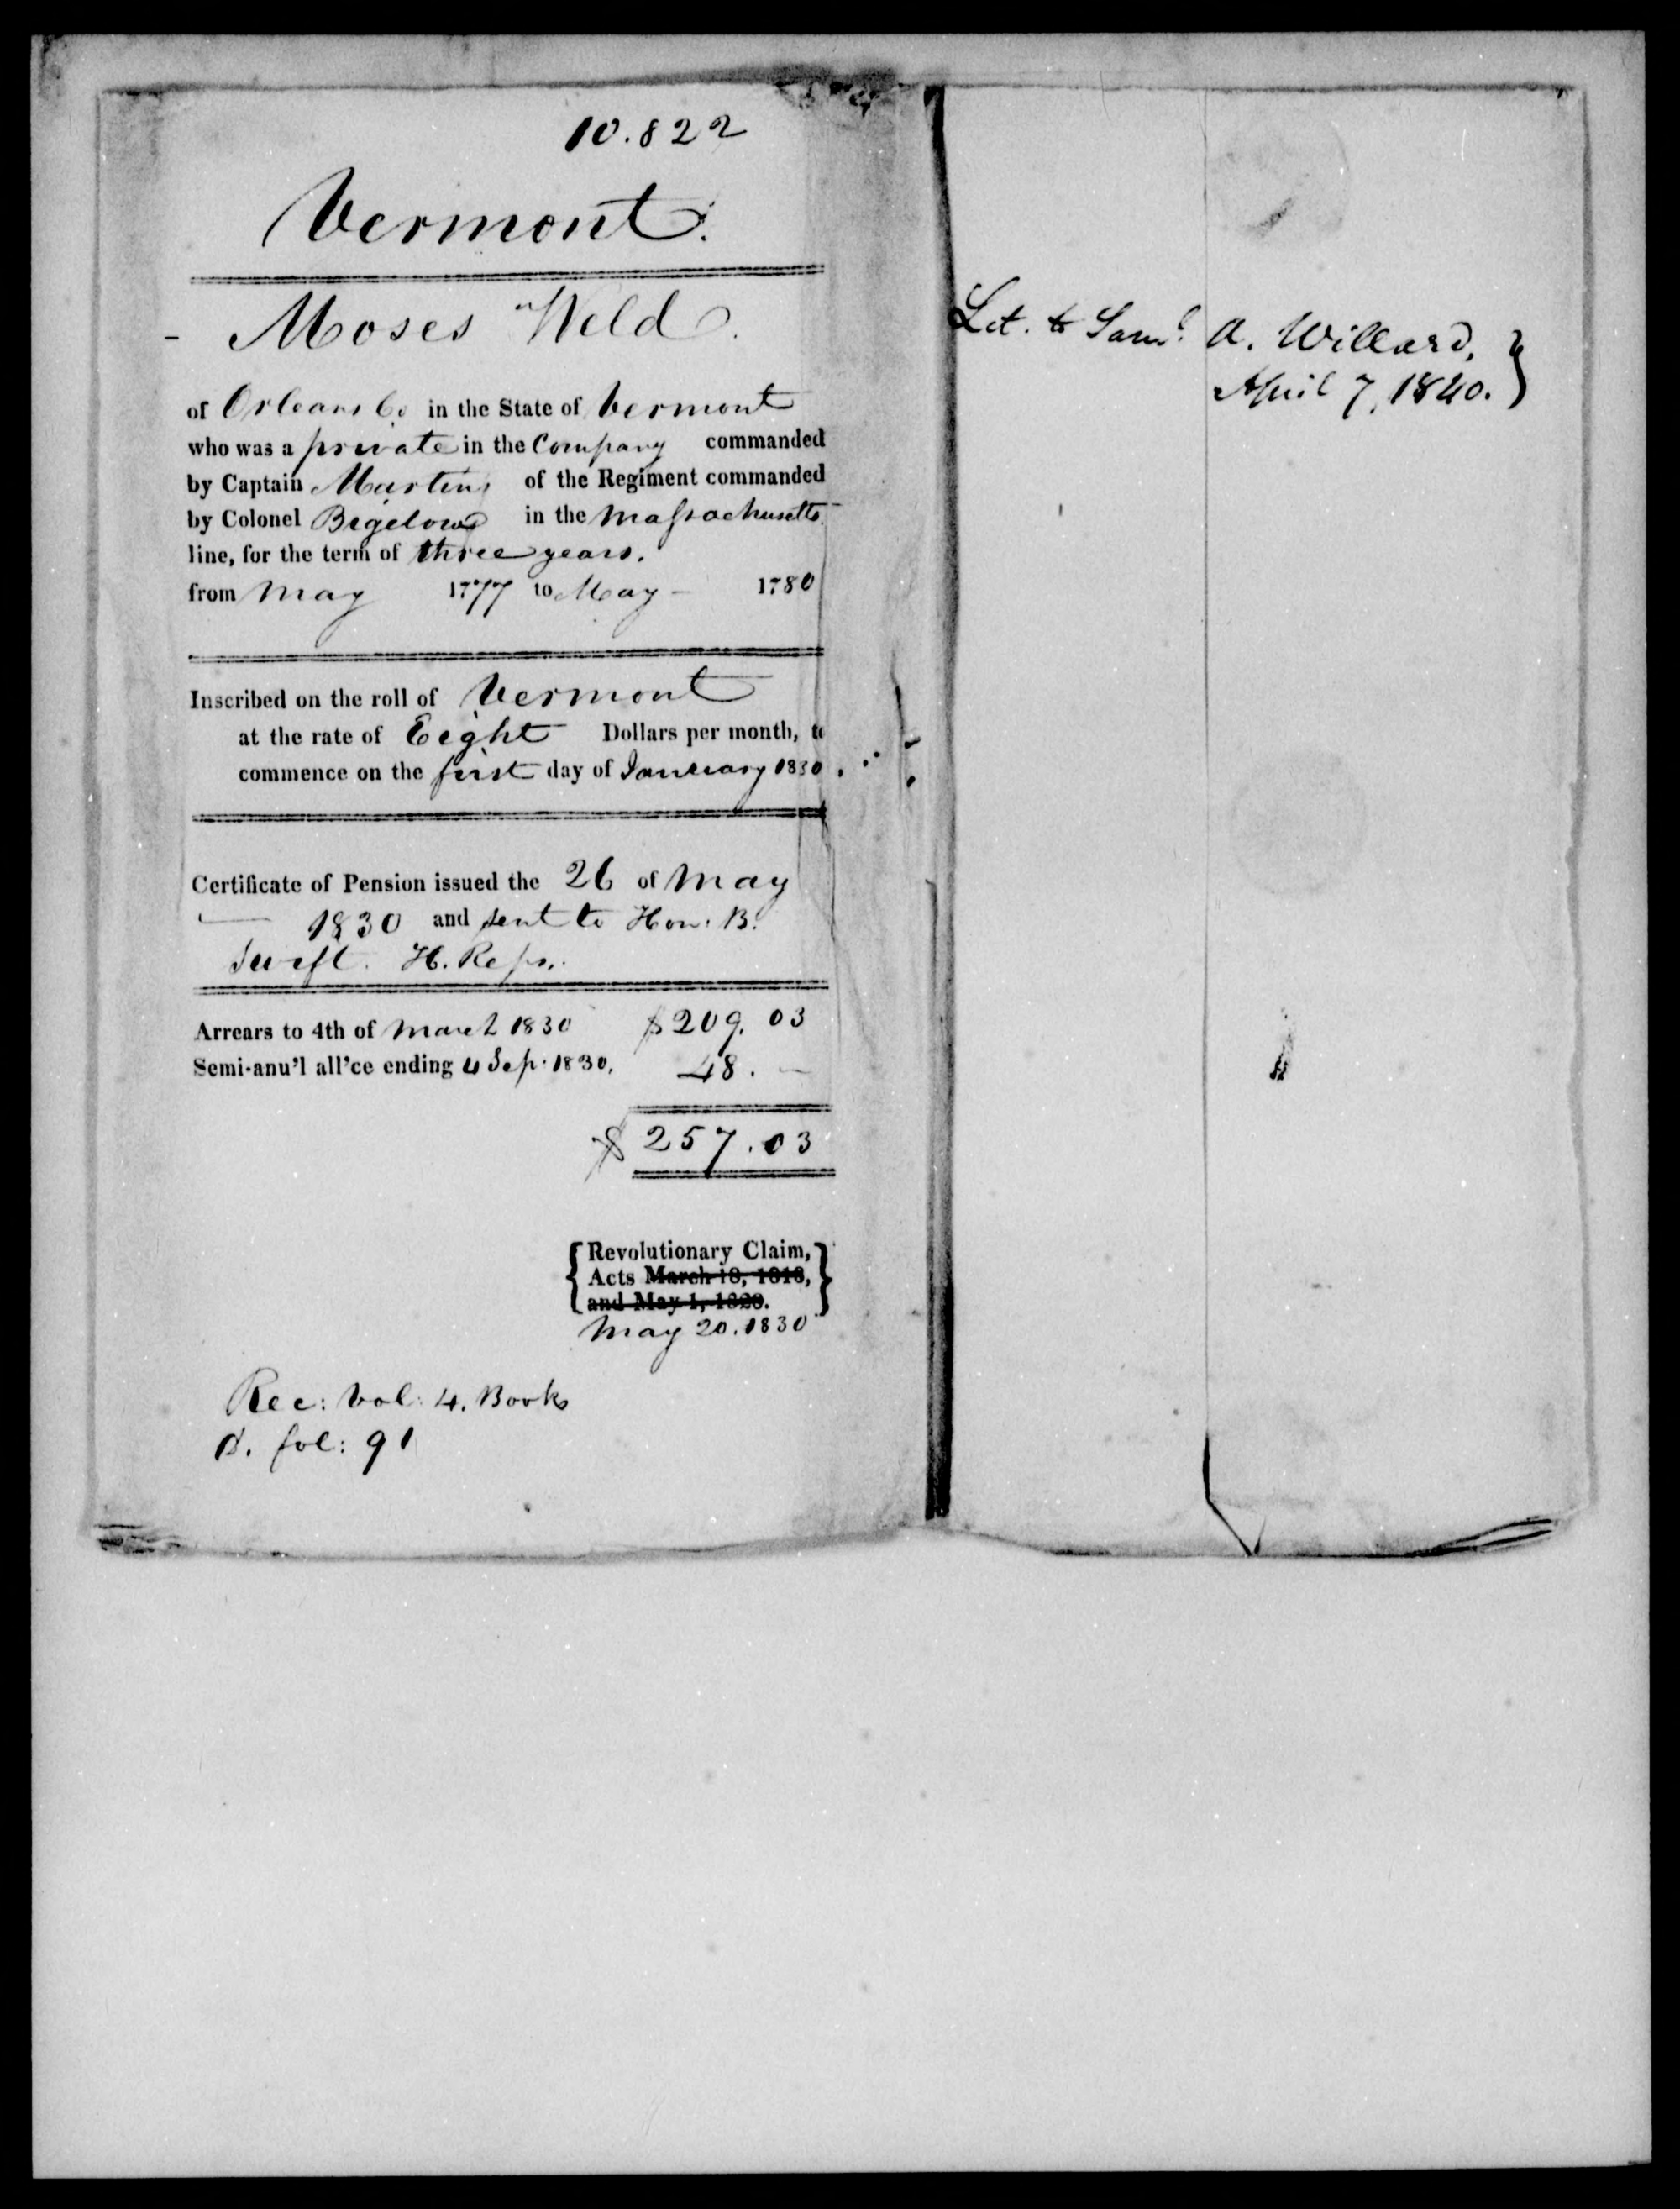10.822
Vermont
Moses Weld
of Orleans in the State of Vermont who was a Private in the Company commanded by Captain Martin of the Regiment commanded by Colonel Bigelow in the Massachusettsline, for the term of three years, from May 1777 to May 1780.
Inscribed on the roll of Vermont at the rate of eight Dollars per month, to commenseon the first day of January 1830.
Certificate of Pension issued the 26th of May, 1830 and sent to Hon. B. Swift.  H Refs.
Arrears to the 4th of March 1830           $209.03
Semi-Anu'l all'ce ending 4 Sept 1830     $48. ~    
                                                               $257.03

Revolutionary Claims,
Act March 18, 1818 [crossed out]
and May 1, 1820 [crossed out]
May 20 1830

Rec: Vol 4 Book
[?]  fol: 91

[handwritten on other side of fold]
Let. to [?] A Willard
April 7, 1840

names: Bigelow, Moses Weld, Martin, Saml A Willard, B Swift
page: 2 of 87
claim: widow's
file: W. 25,966, Moses Weld, Mass.